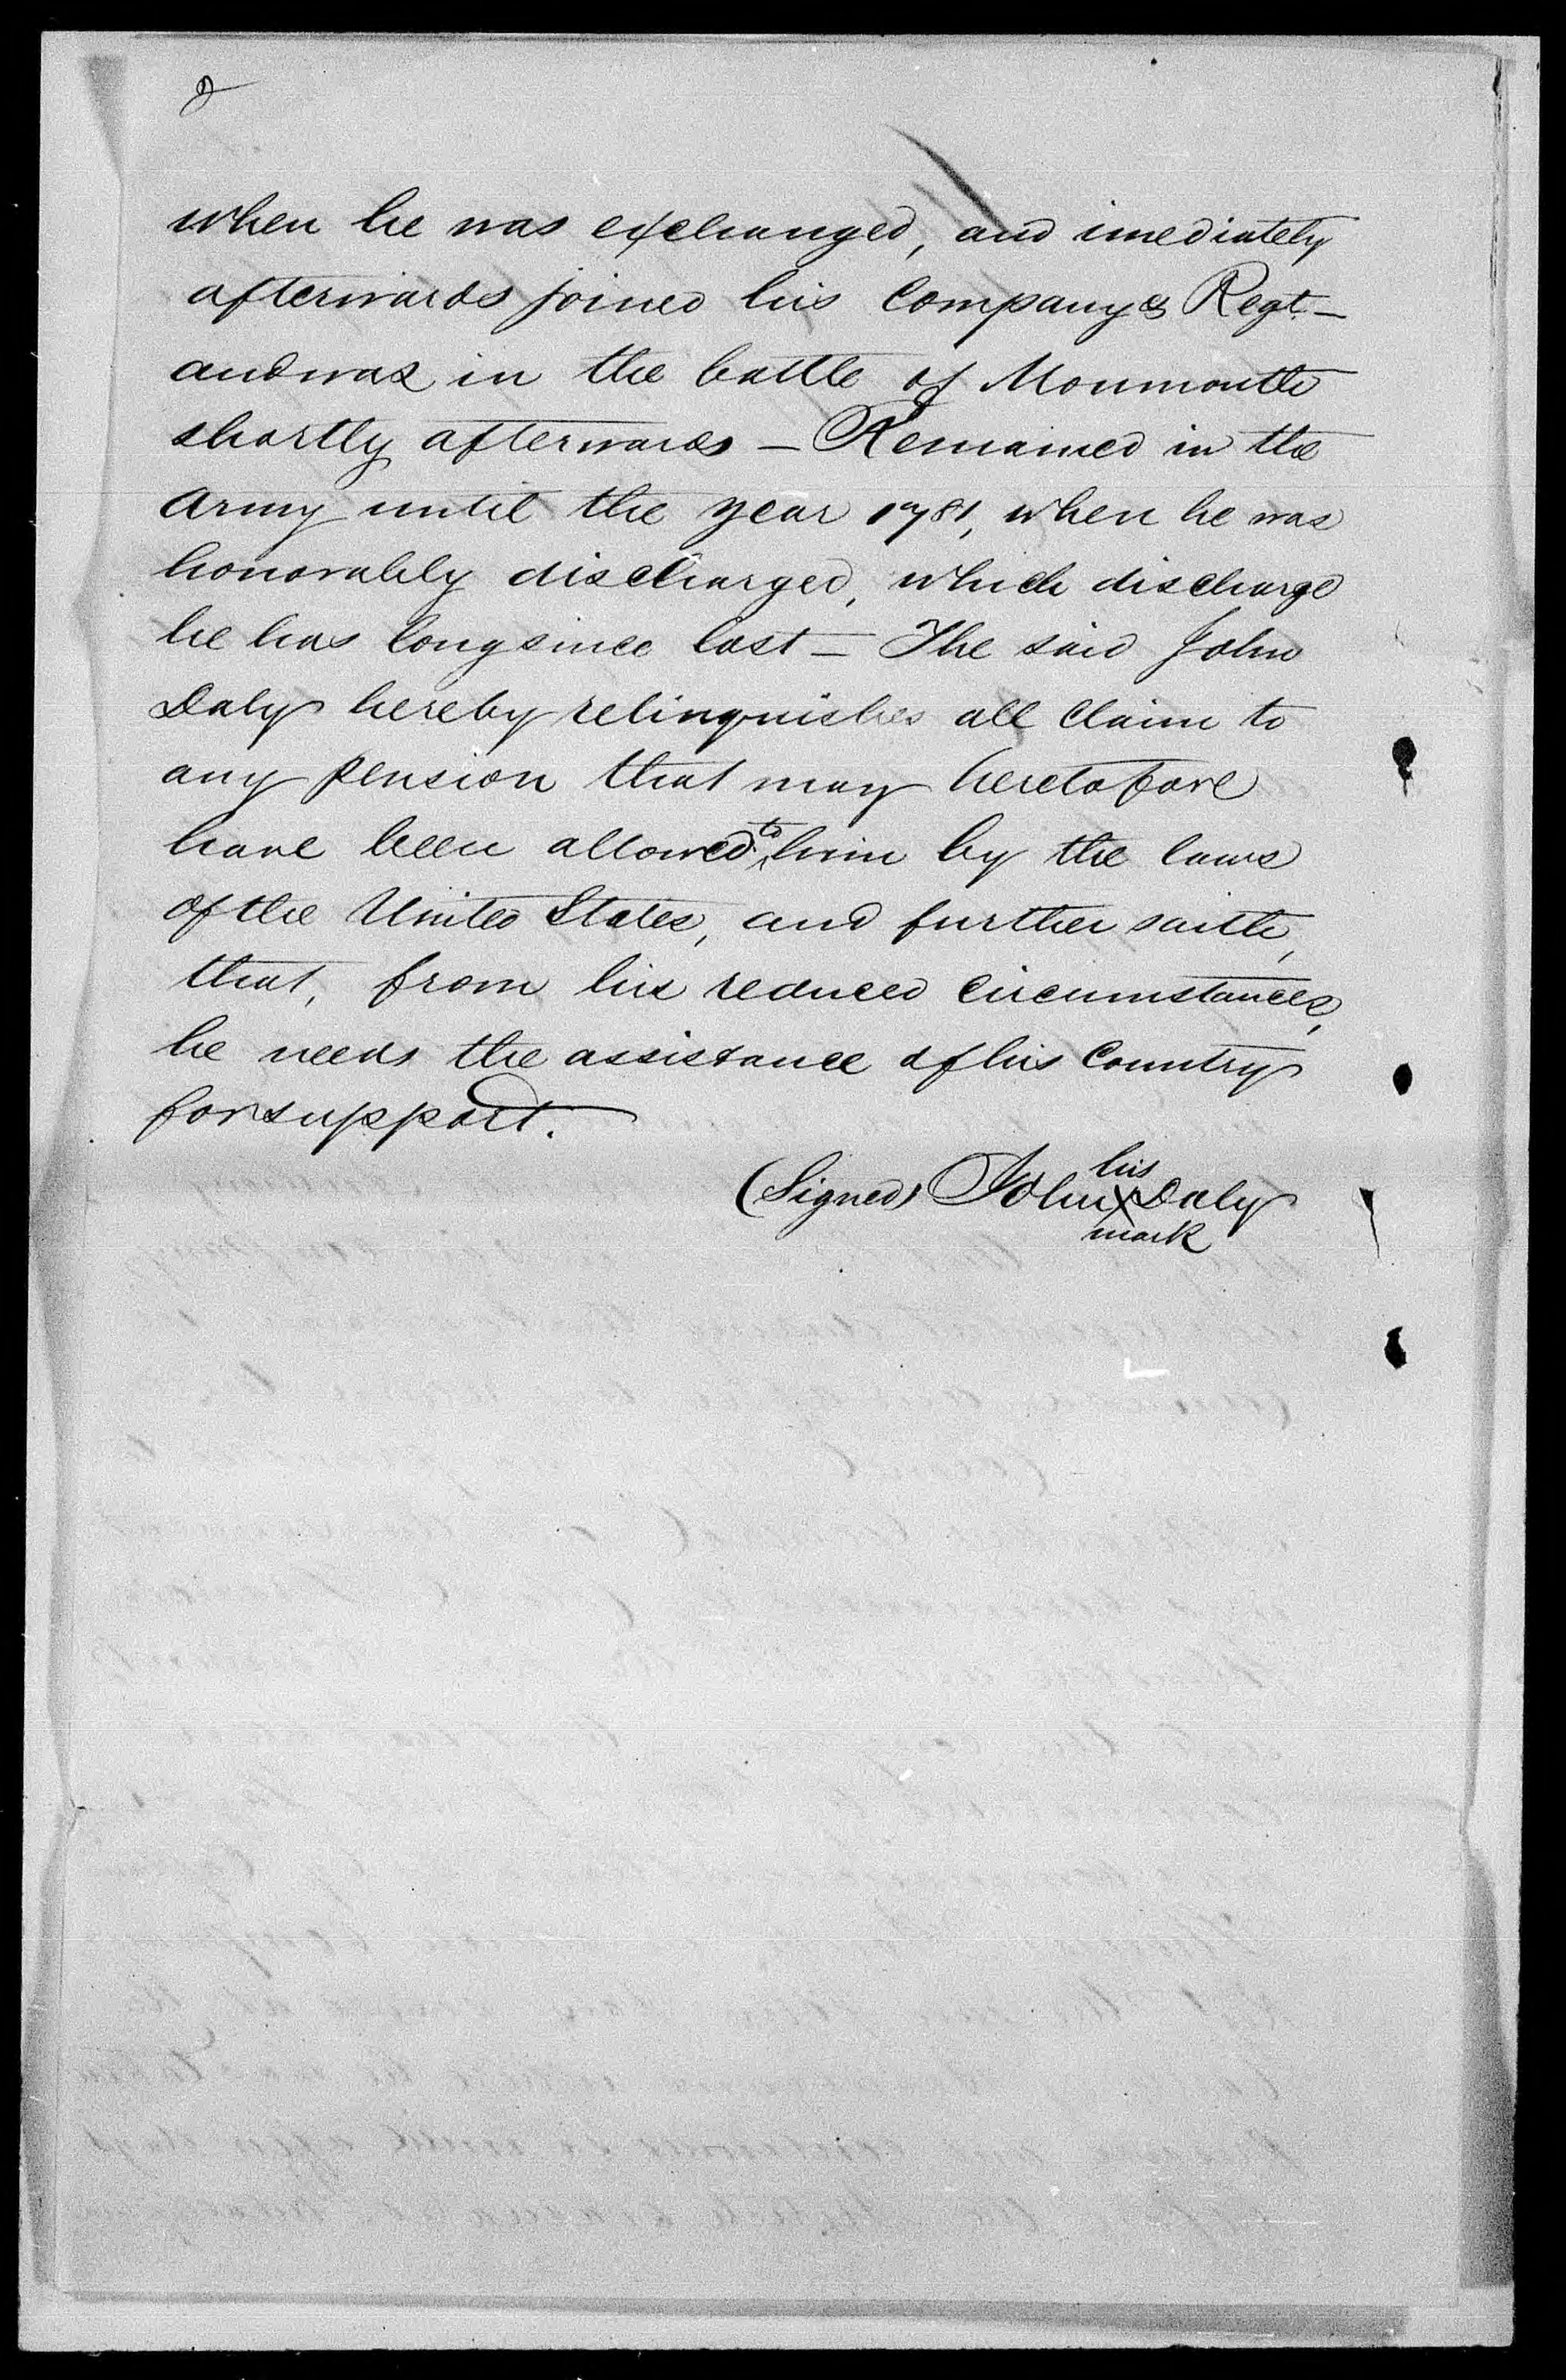2

when he was exchanged, and imediately [immediately] afterwards joined his Company & Regt - and was in the battle of Monmouth shortly afterwards - Remained in the army until the year 1781, when he was honorably discharged, which discharge he has long since lost - The said John Daly hereby relinquishes all claim to any pension that may heretofore have been allowed to him by the laws of the United States, and further saith that, from his reduced circumstances he needs the assistance of his Country for support.

(Signed) John Daly
X
his mark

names: John Daly, John Daly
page: 49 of 63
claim: widow's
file: W. 3228, John Daly, Penn.